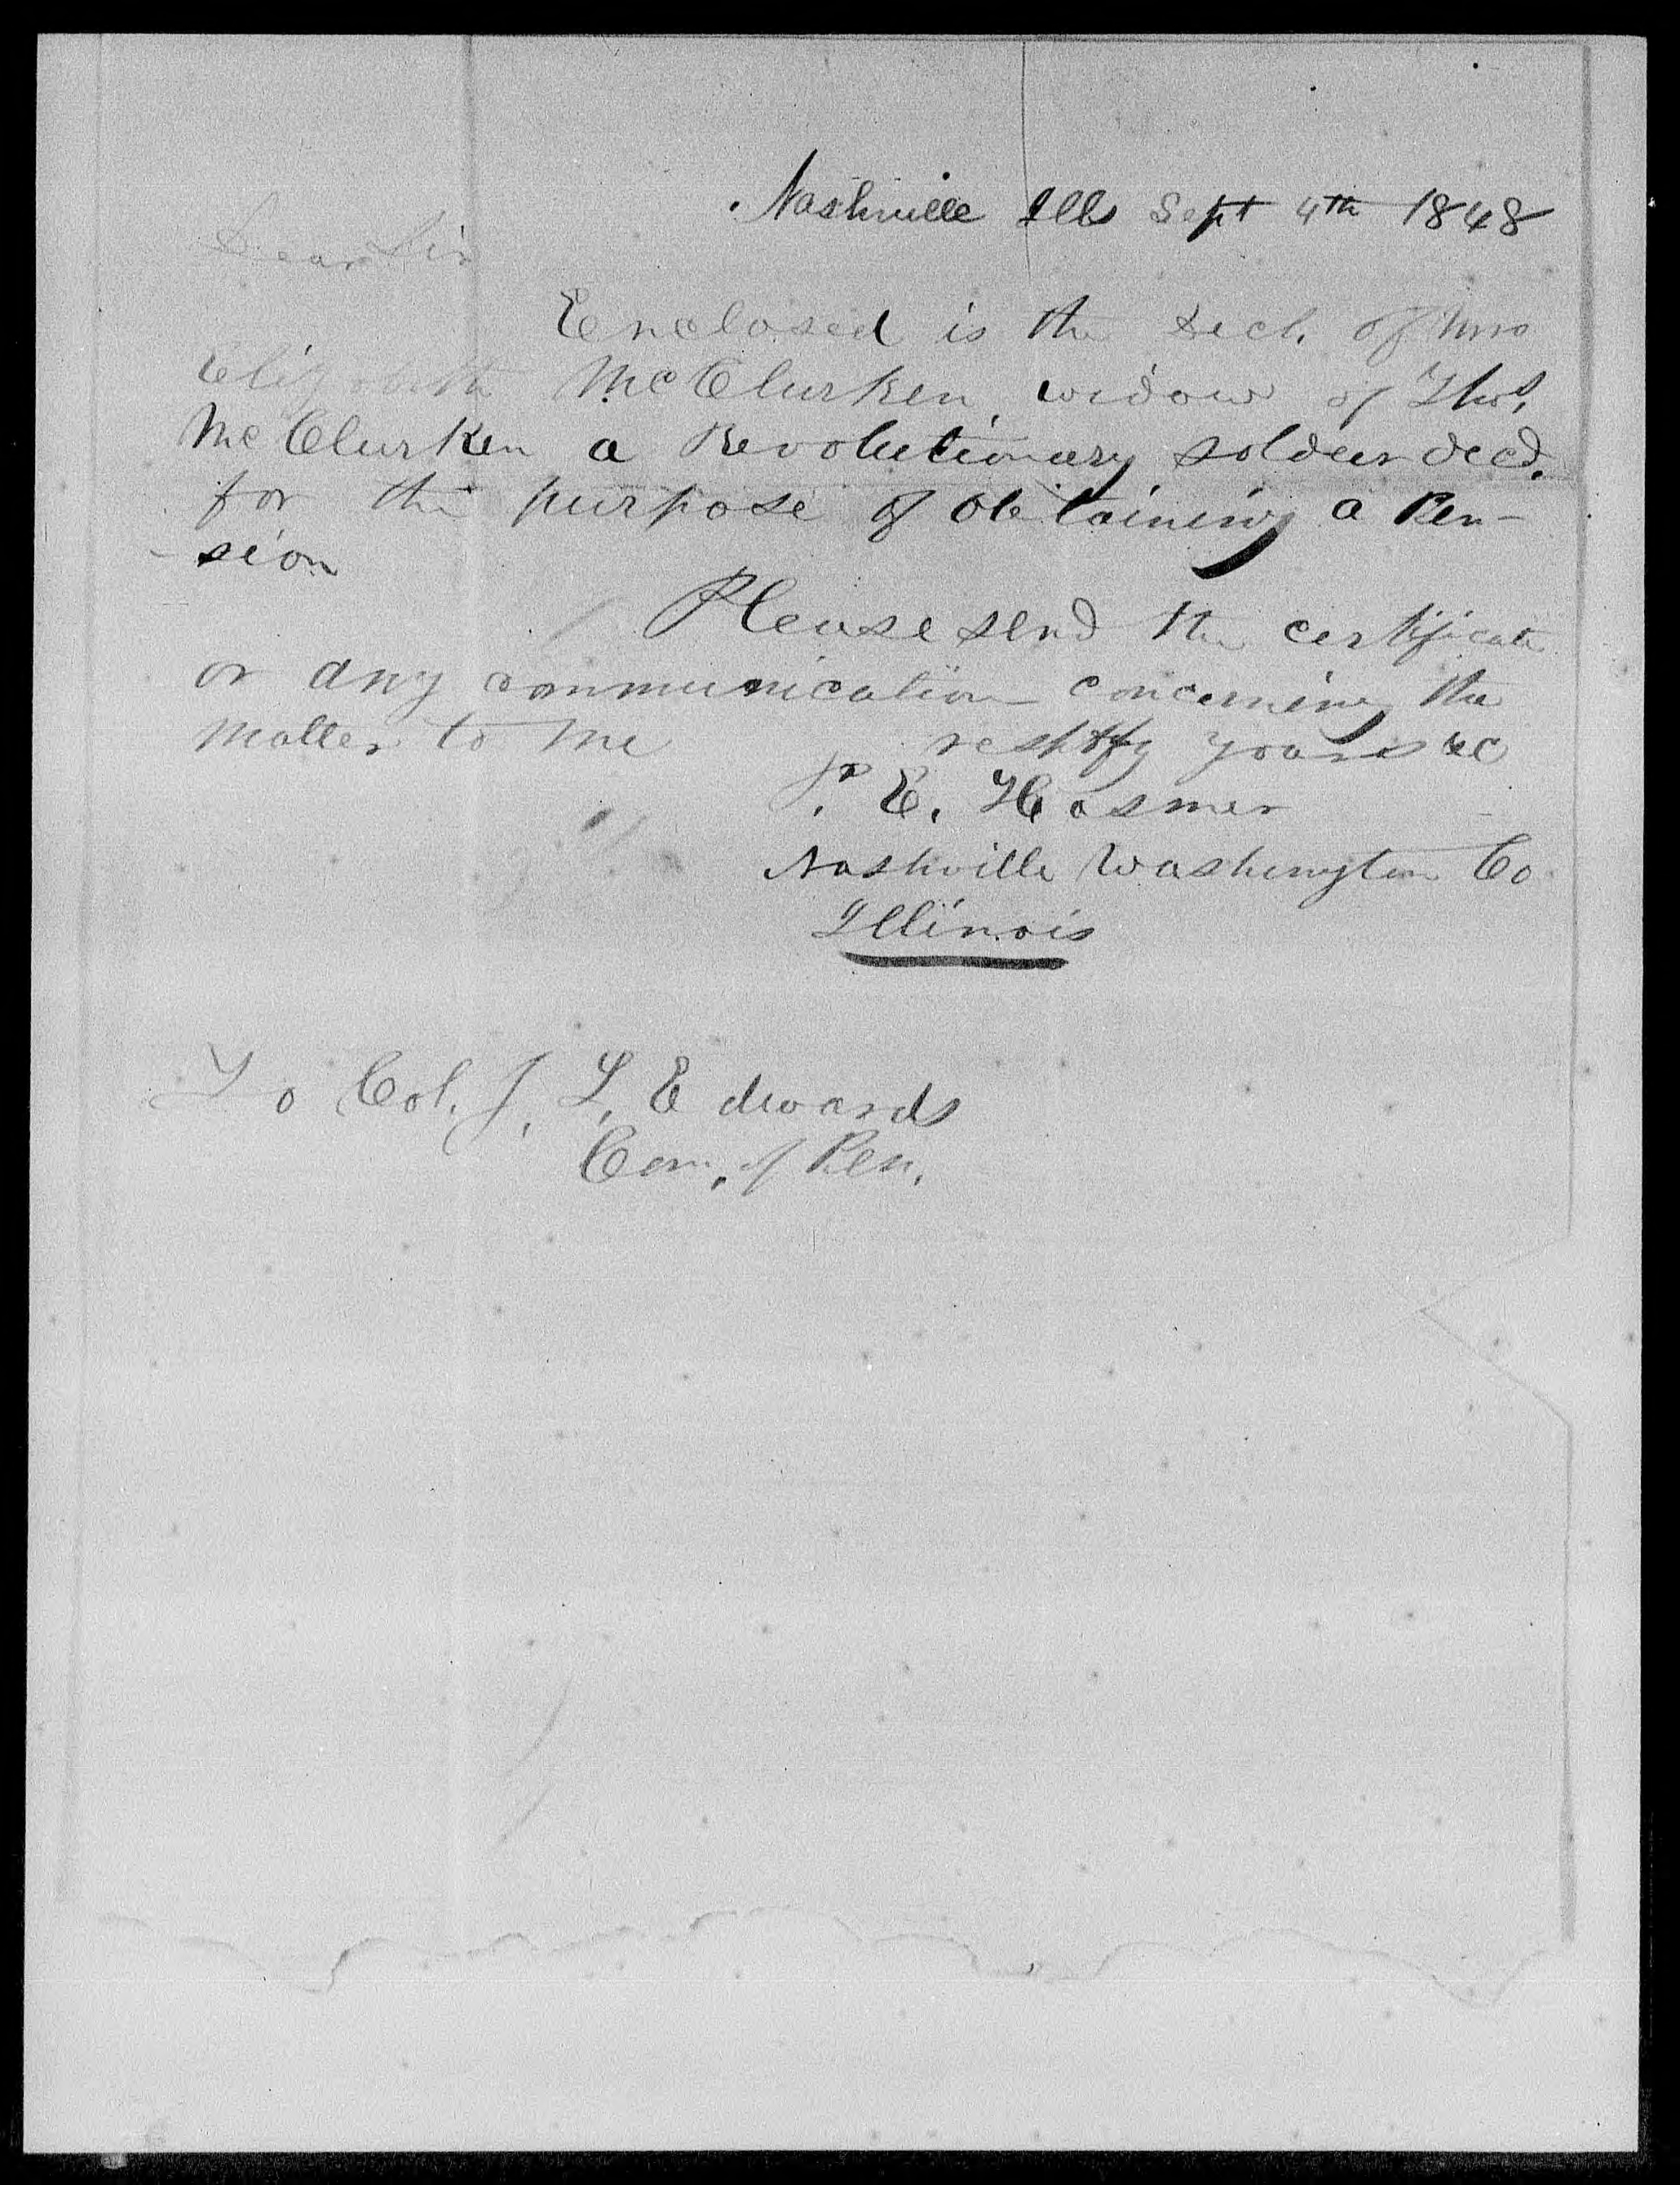Nashville Ill Sept 4th 1848 

Dear Sir
Enclosed is the Decl. of Mrs. Elizabeth McClurken widow of Thos McClurken a Revolutionary soldier decsd. for the purpose of obtaining a Pension.
 Please send the certificate or any communication concerning the matter to me 

Respectfully Yours &c 
E. Hosmer 
Nashville Washington Co. 
Illinois


To Col. J. L. Edwards 
Com. of Pen.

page: 52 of 93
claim: widow's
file: W. 21792, for Thomas Mc Clurken, South Carolina